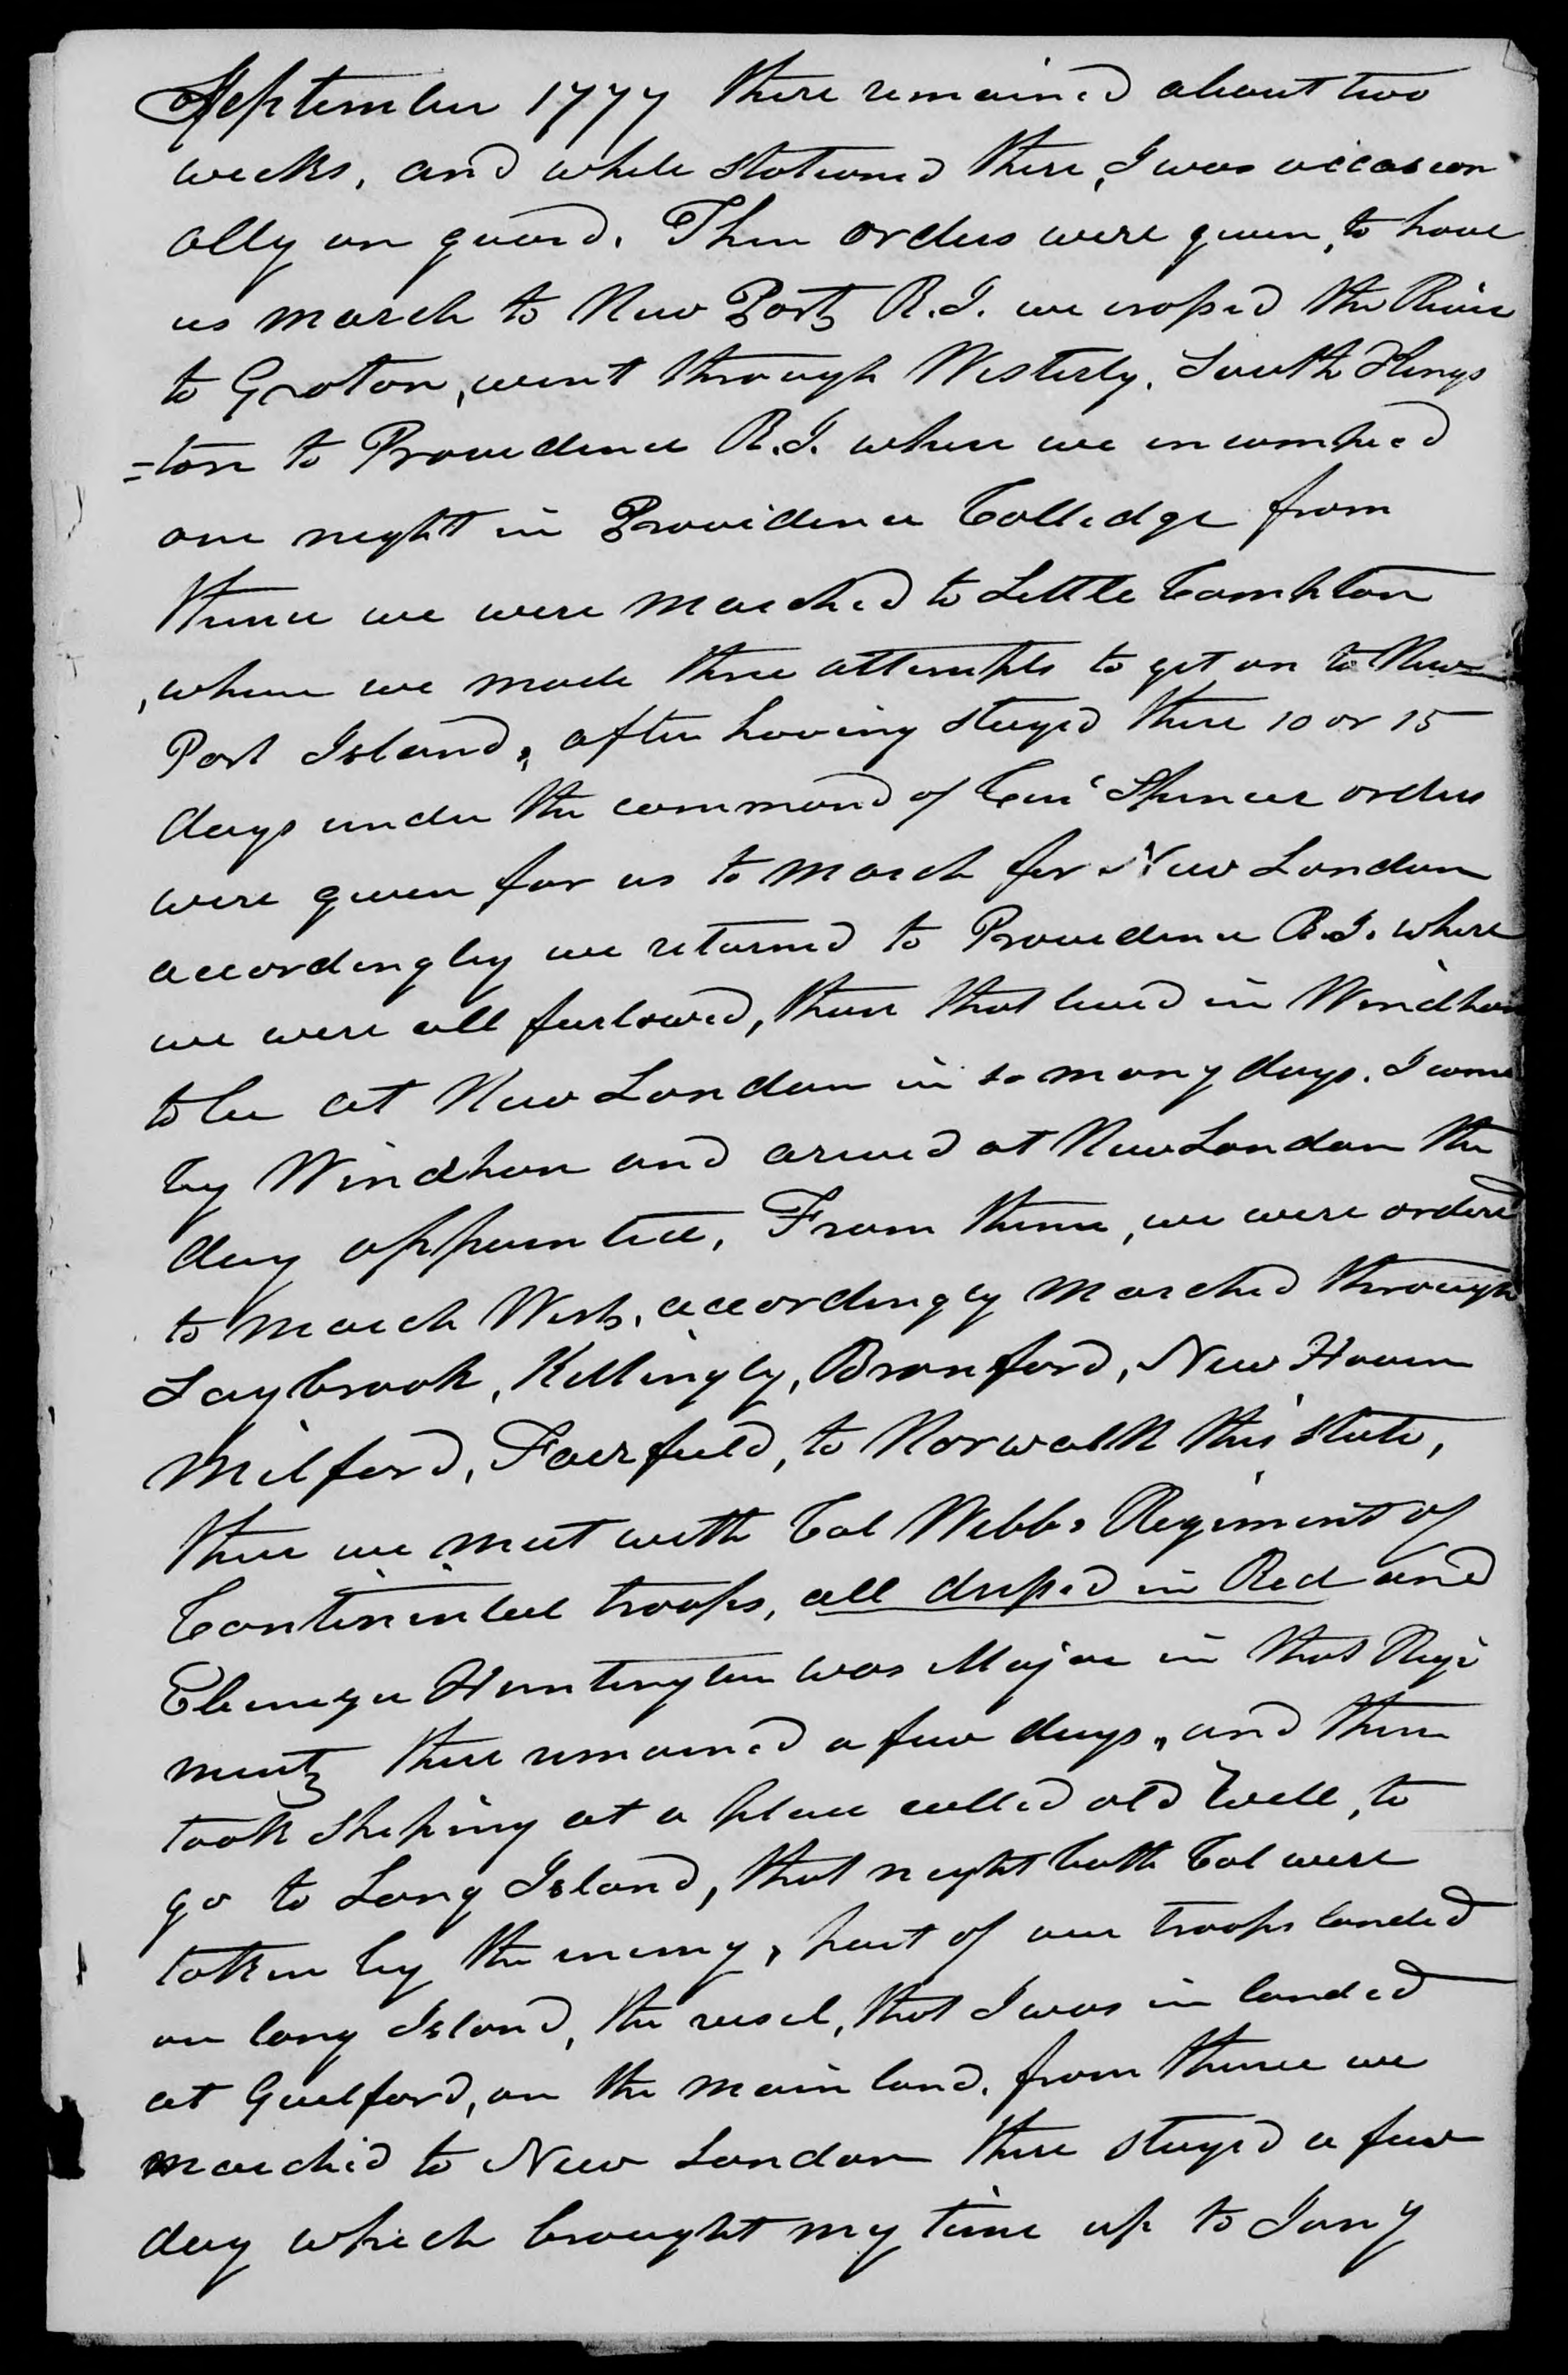September 1777 there remained about two
weeks, and while stationed there, I was occasionally
on guard. Then orders were given, to have
us march to New Port RI we crossed the River
to Groton, went through Westerly, South Kingston
to Providence R.I. where we encamped
one night in Providence Collidge from
there we were marched to Little Compton
where we made three attempts to get on to New
Port Island, after having stayed there 10 or 15
days under the command of Gen Spencer orders
were given for us to march for New London
accordingly we returned to Providence R.I. where
we were all forlowed, those that lived in Windham
to be at New London in so many days.  I was
by Windham and arrived at New London the
day appointed.  From there, we were ordered
to march West, accordingly marched through
Saybrook, Killingly, Branford, New Haven,
Milford, Fairfield, to Norwalk this state
there we meet with Col Webb, Regiment of
Continental troops [underlined] all dressed in Red [end underline] and
Ebenezer Huntington was Major in that Regiment
there remained a few days, and then
took shipping at a place called Old Well, to 
go to Long Island, that night both Col were
taken by the enemy, Just as our troops boarded 
on Long Island, the vessel that I was in landed
at Guilford, on the mainland, from there we
marched to New London there stayed a few
day which brought my time up to Jany.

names: Ebenezer Huntington, Spencer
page: 5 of 13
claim: survivor's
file: S. 18451, Dudley Hovey, Conn.